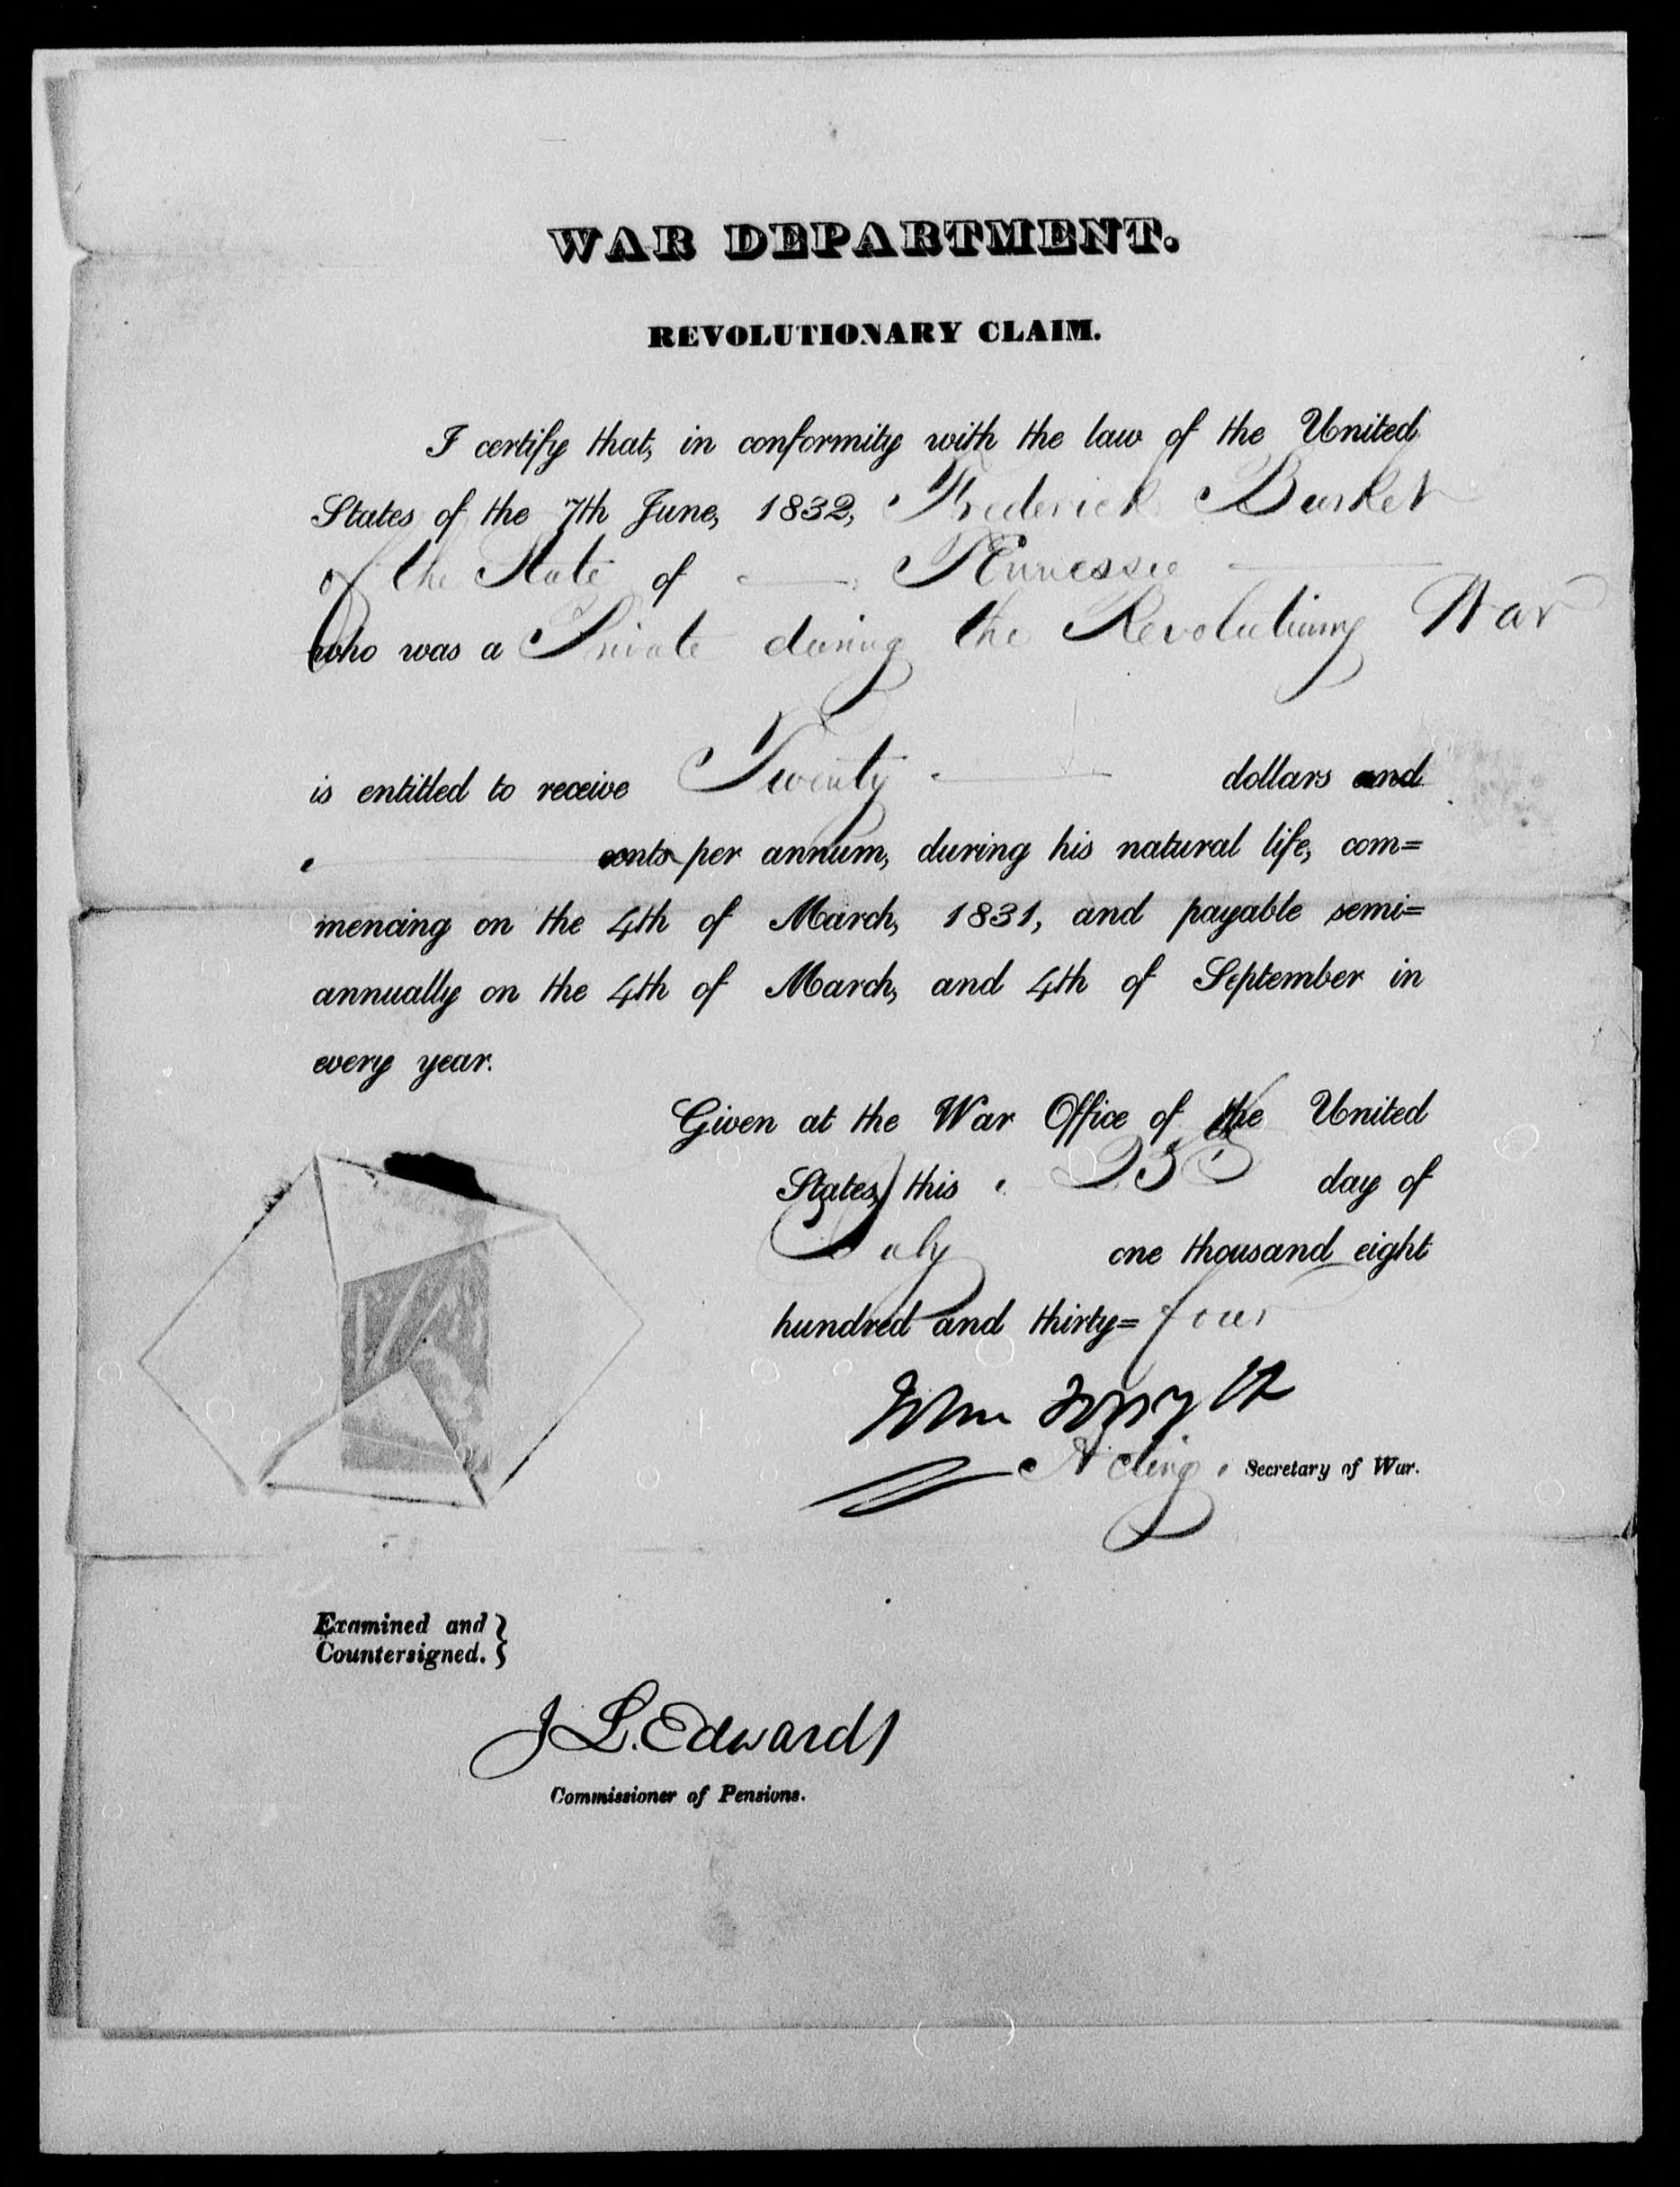WAR DEPARTMENT.
REVOLUTIONARY CLAIM.

I certify that, in conformity with the law of the United
States of the 7th June 1832, Frederick Burket
of the State of Tennessee
who was a private during the Revolutionary War
is entitled to receive Twenty dollars and
cents per annum, during his natural life, 
commencing on the 4th of March 1831, and payable semi-
annually on the 4th of March, and 4th of September in every year.

Given at the War Office of the United
States, this 25 day of July one thousand eight
hundred and thirty =four
Wm Smyth
Acting, Secretary of War

Seal
Examined and}
Countersigned.}
J. L. Edwards
Commissioner of Pensions.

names: Frederick Burket, Wm Smyth, J L Edwards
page: 26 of 47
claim: survivor's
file: S. 3102, Frederick Burket, Va.